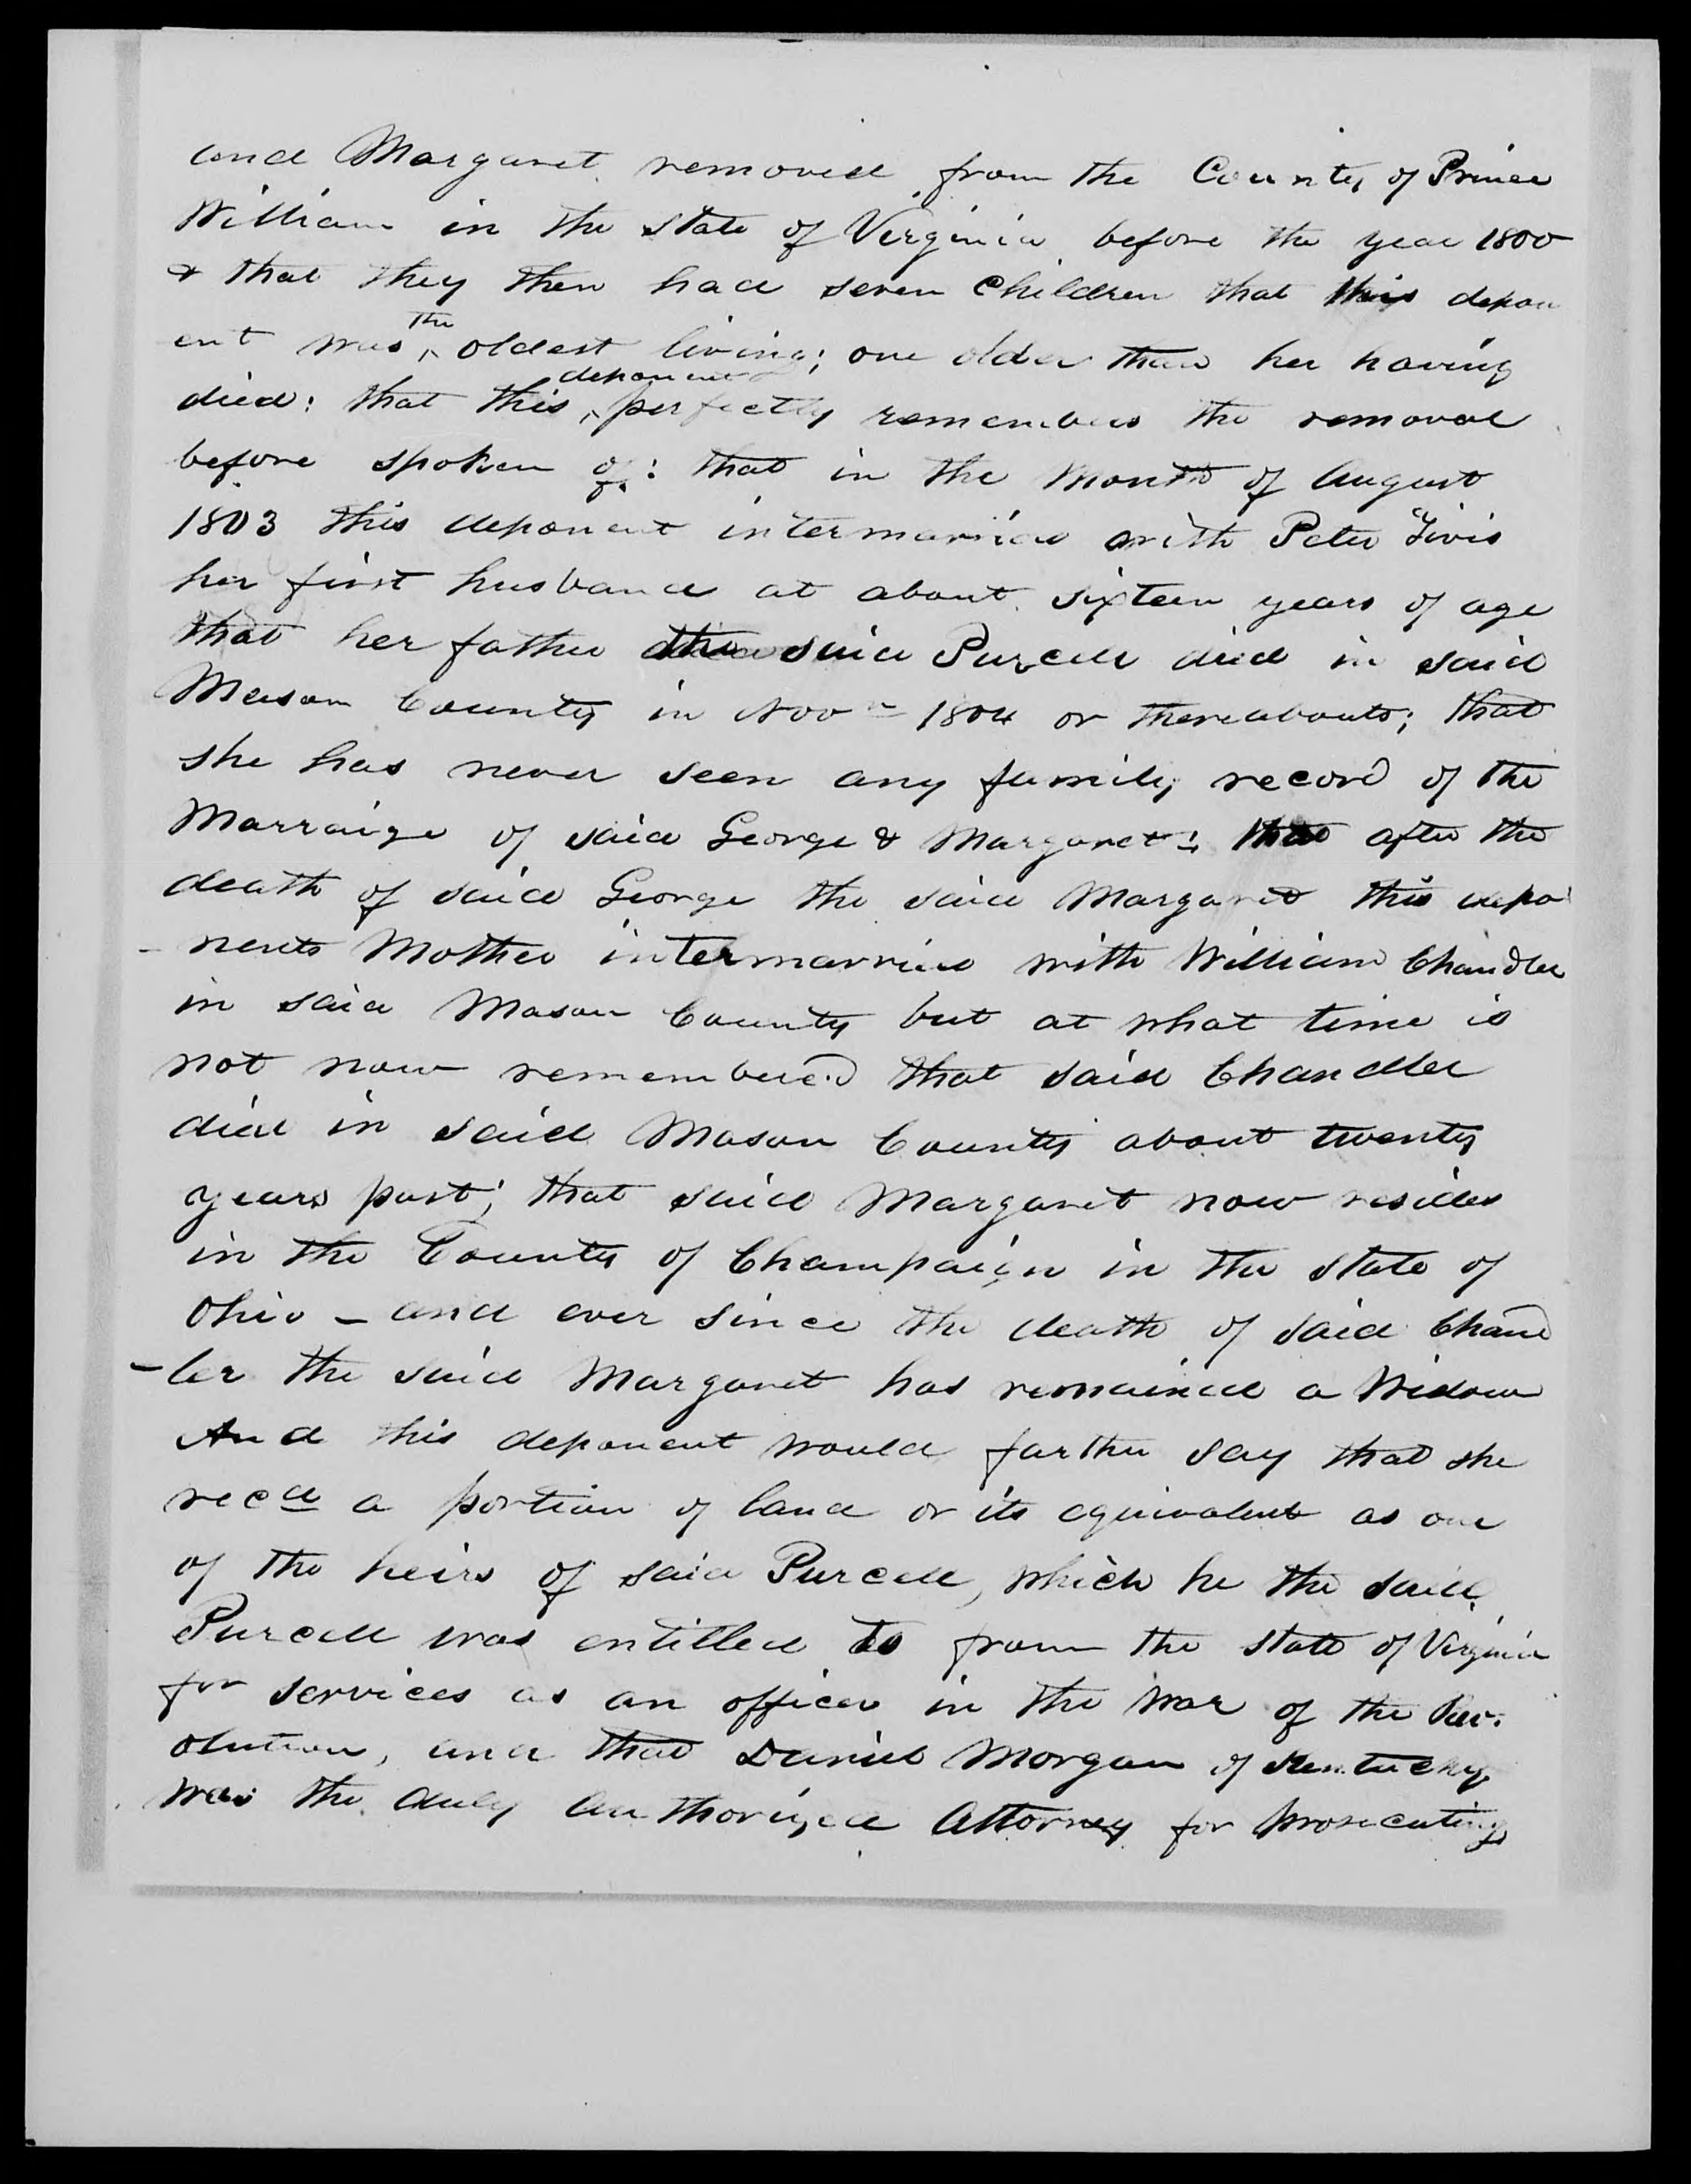and Margaret removed from the County of Prince William in the State of Virginia, before the year 1800 & that they then had seven Children that this deponent was the oldest living; one older than her having died; that this deponent perfectly remembers the removal before spoken of: that in the month of August 1803 this deponent intermarried with Peter Tevis her first husband at about sixteen years of age that her father the said Purcell died in said Mason County in Novr 1804 or thereabouts; that she has never seen any family record of the Marriage of said George the said Margaret this deponents Mother intermarried with William Chandler in said Mason County but at what time is not now remembered that said Chandler died in said Mason County about twenty years past; that said Margaret now resides in the County of Champaign in the State of Ohio - and ever since the death of said Chandler the said Margaret has remained a Widow And this deponent would farther say that she recd a portion of land or its equivalent as one of the heirs of said Purcell, which he the said Purcell was entitled to from the State of Virginia for services as an officer in the War of the Revolution, and that Daniel Morgan of Kentucky was the duly authorized Attorney for prosecuting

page: 11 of 86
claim: widow's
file: W. 6661, for George Purcell, Virginia